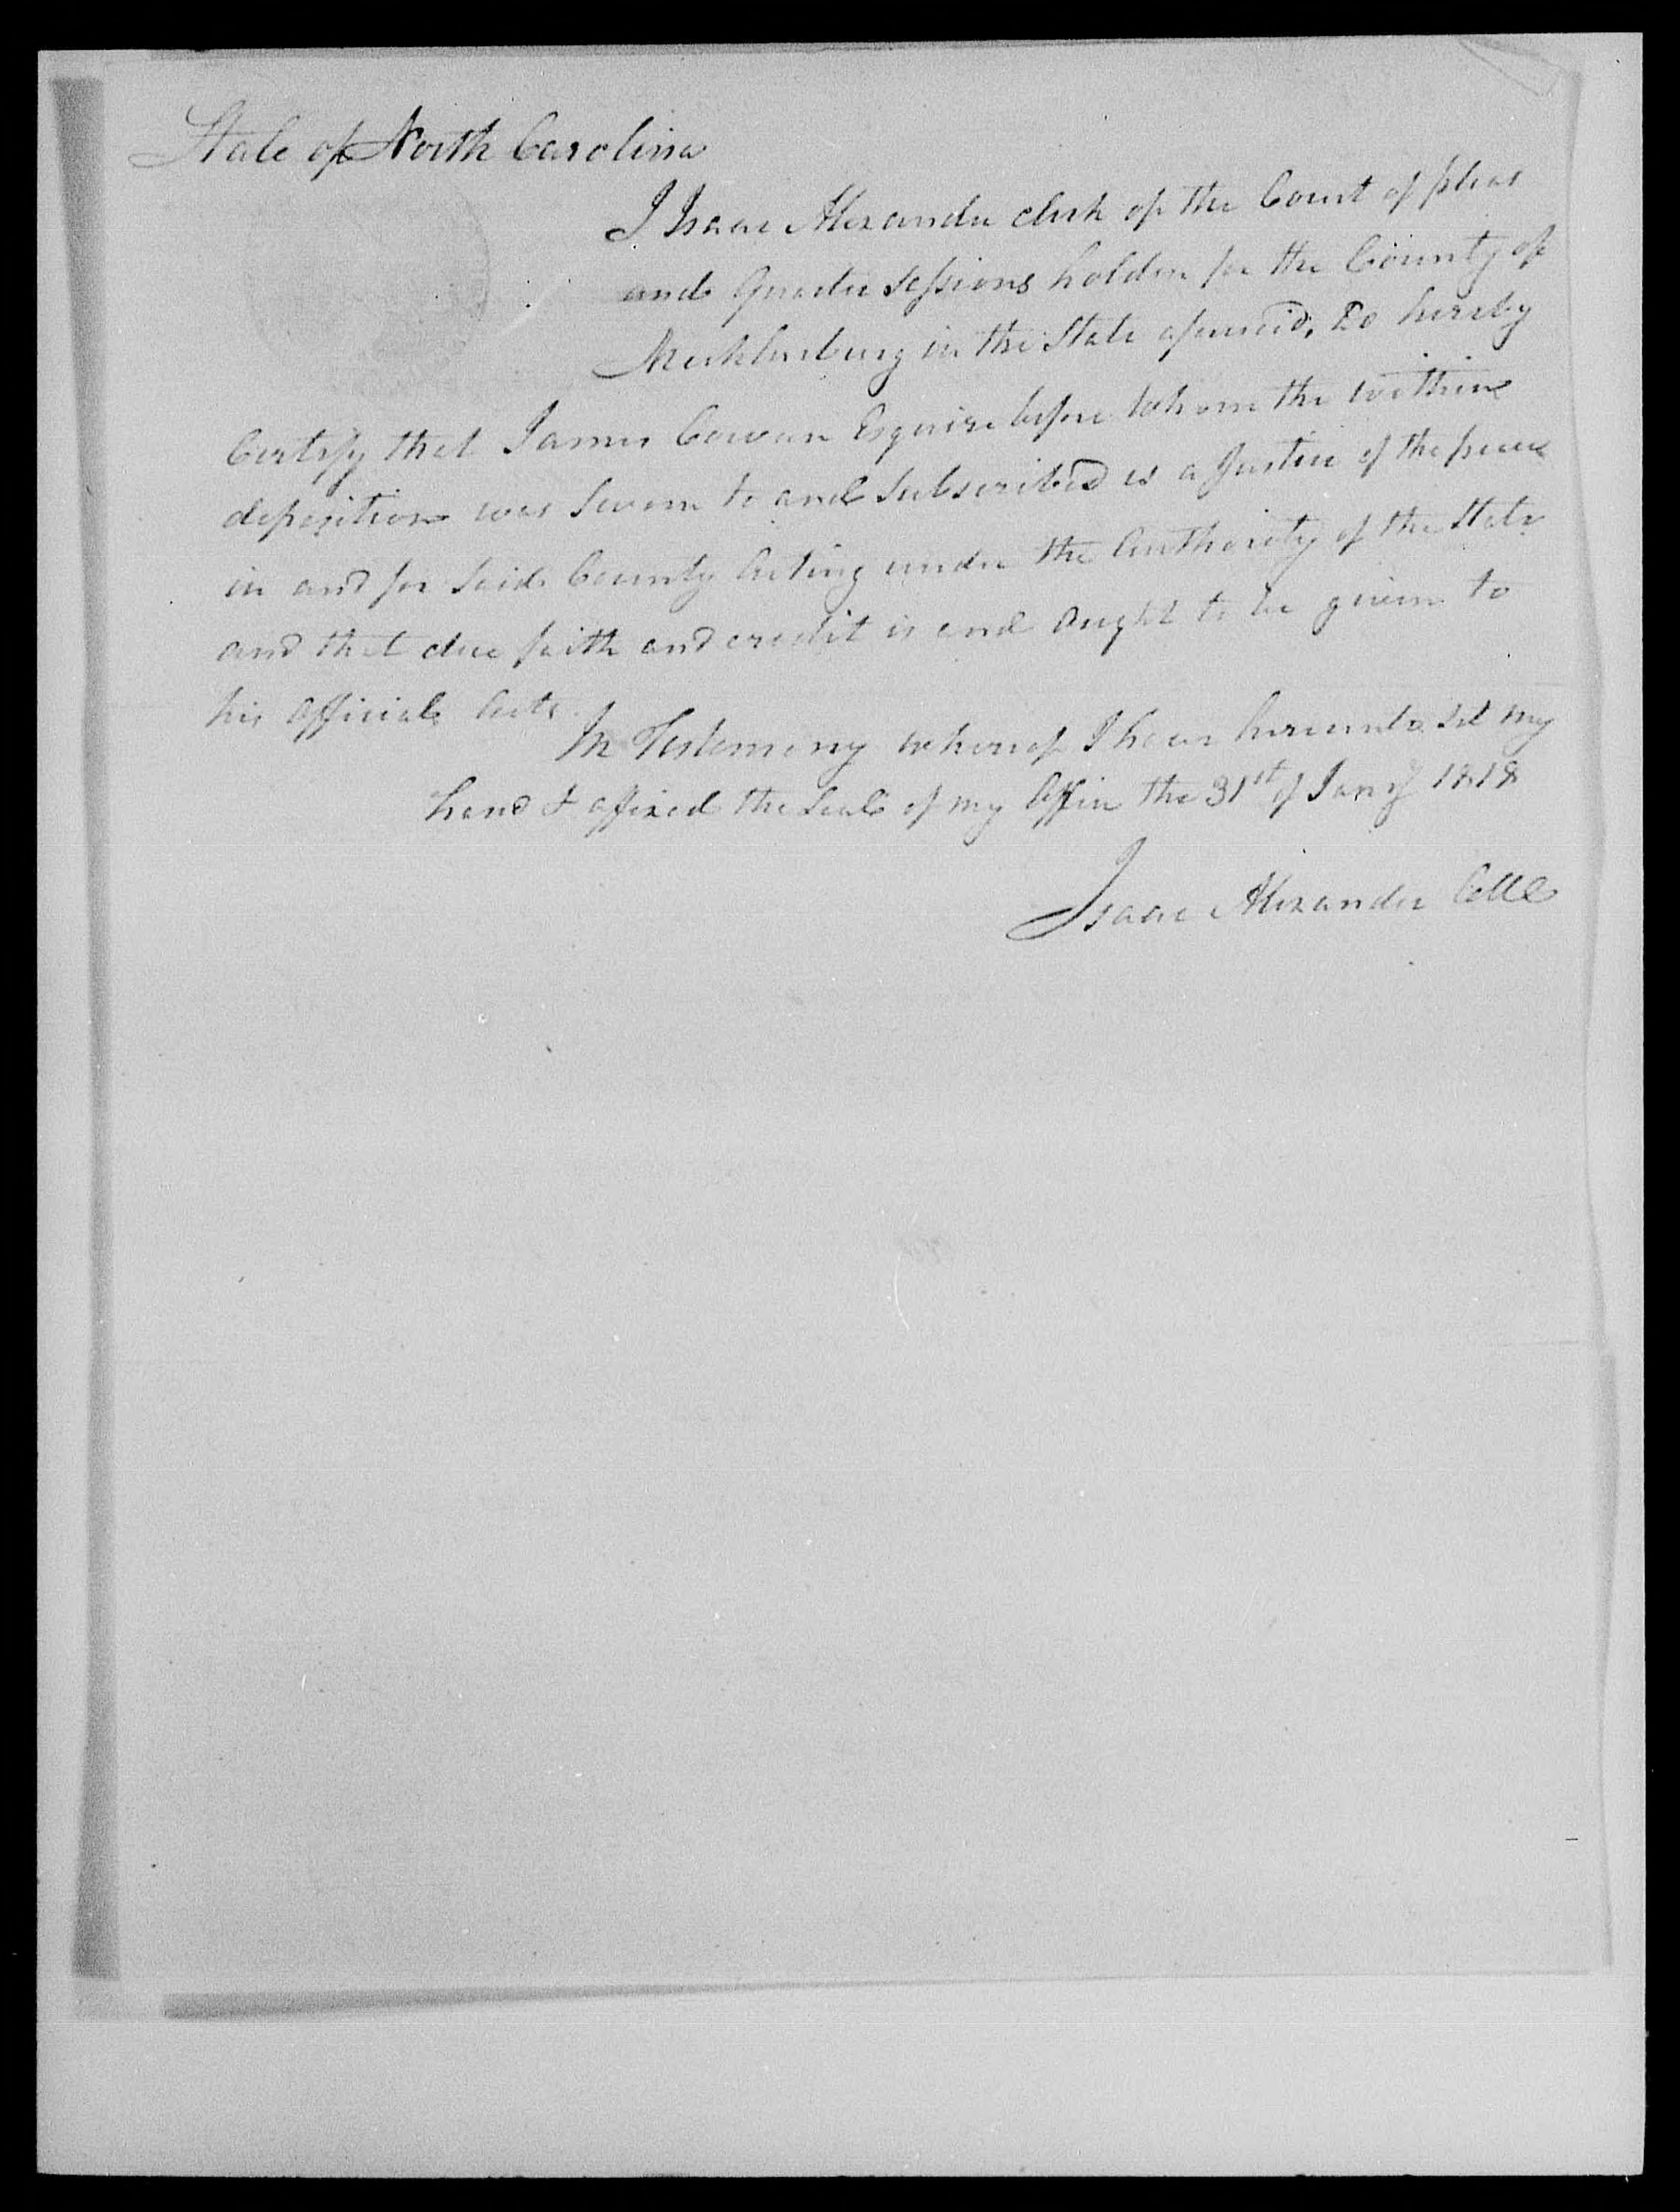State of North Carolina
I have Alexander Clerk of the Court of pleas
and quarter sessions holden for the County of
Merklenburg in the State aforesaid do hereby
certify that James Cowan Esquire before whom the within
deposition was sworn to and subscribed is a Justice of the peace
in and for said County being under the authority of the State
and that due faith and credit is and ought to be given
to his official acts 

In Testimony whereof I have hereunto set my
hand & affixed the Seal of my Office the 31st Jany 1818
Isaac Alexander Clk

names: James Cowan, Isaac Alexander, Isaac Alexander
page: 7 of 26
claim: survivor's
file: S. 352, Robert Craighead, N.C.